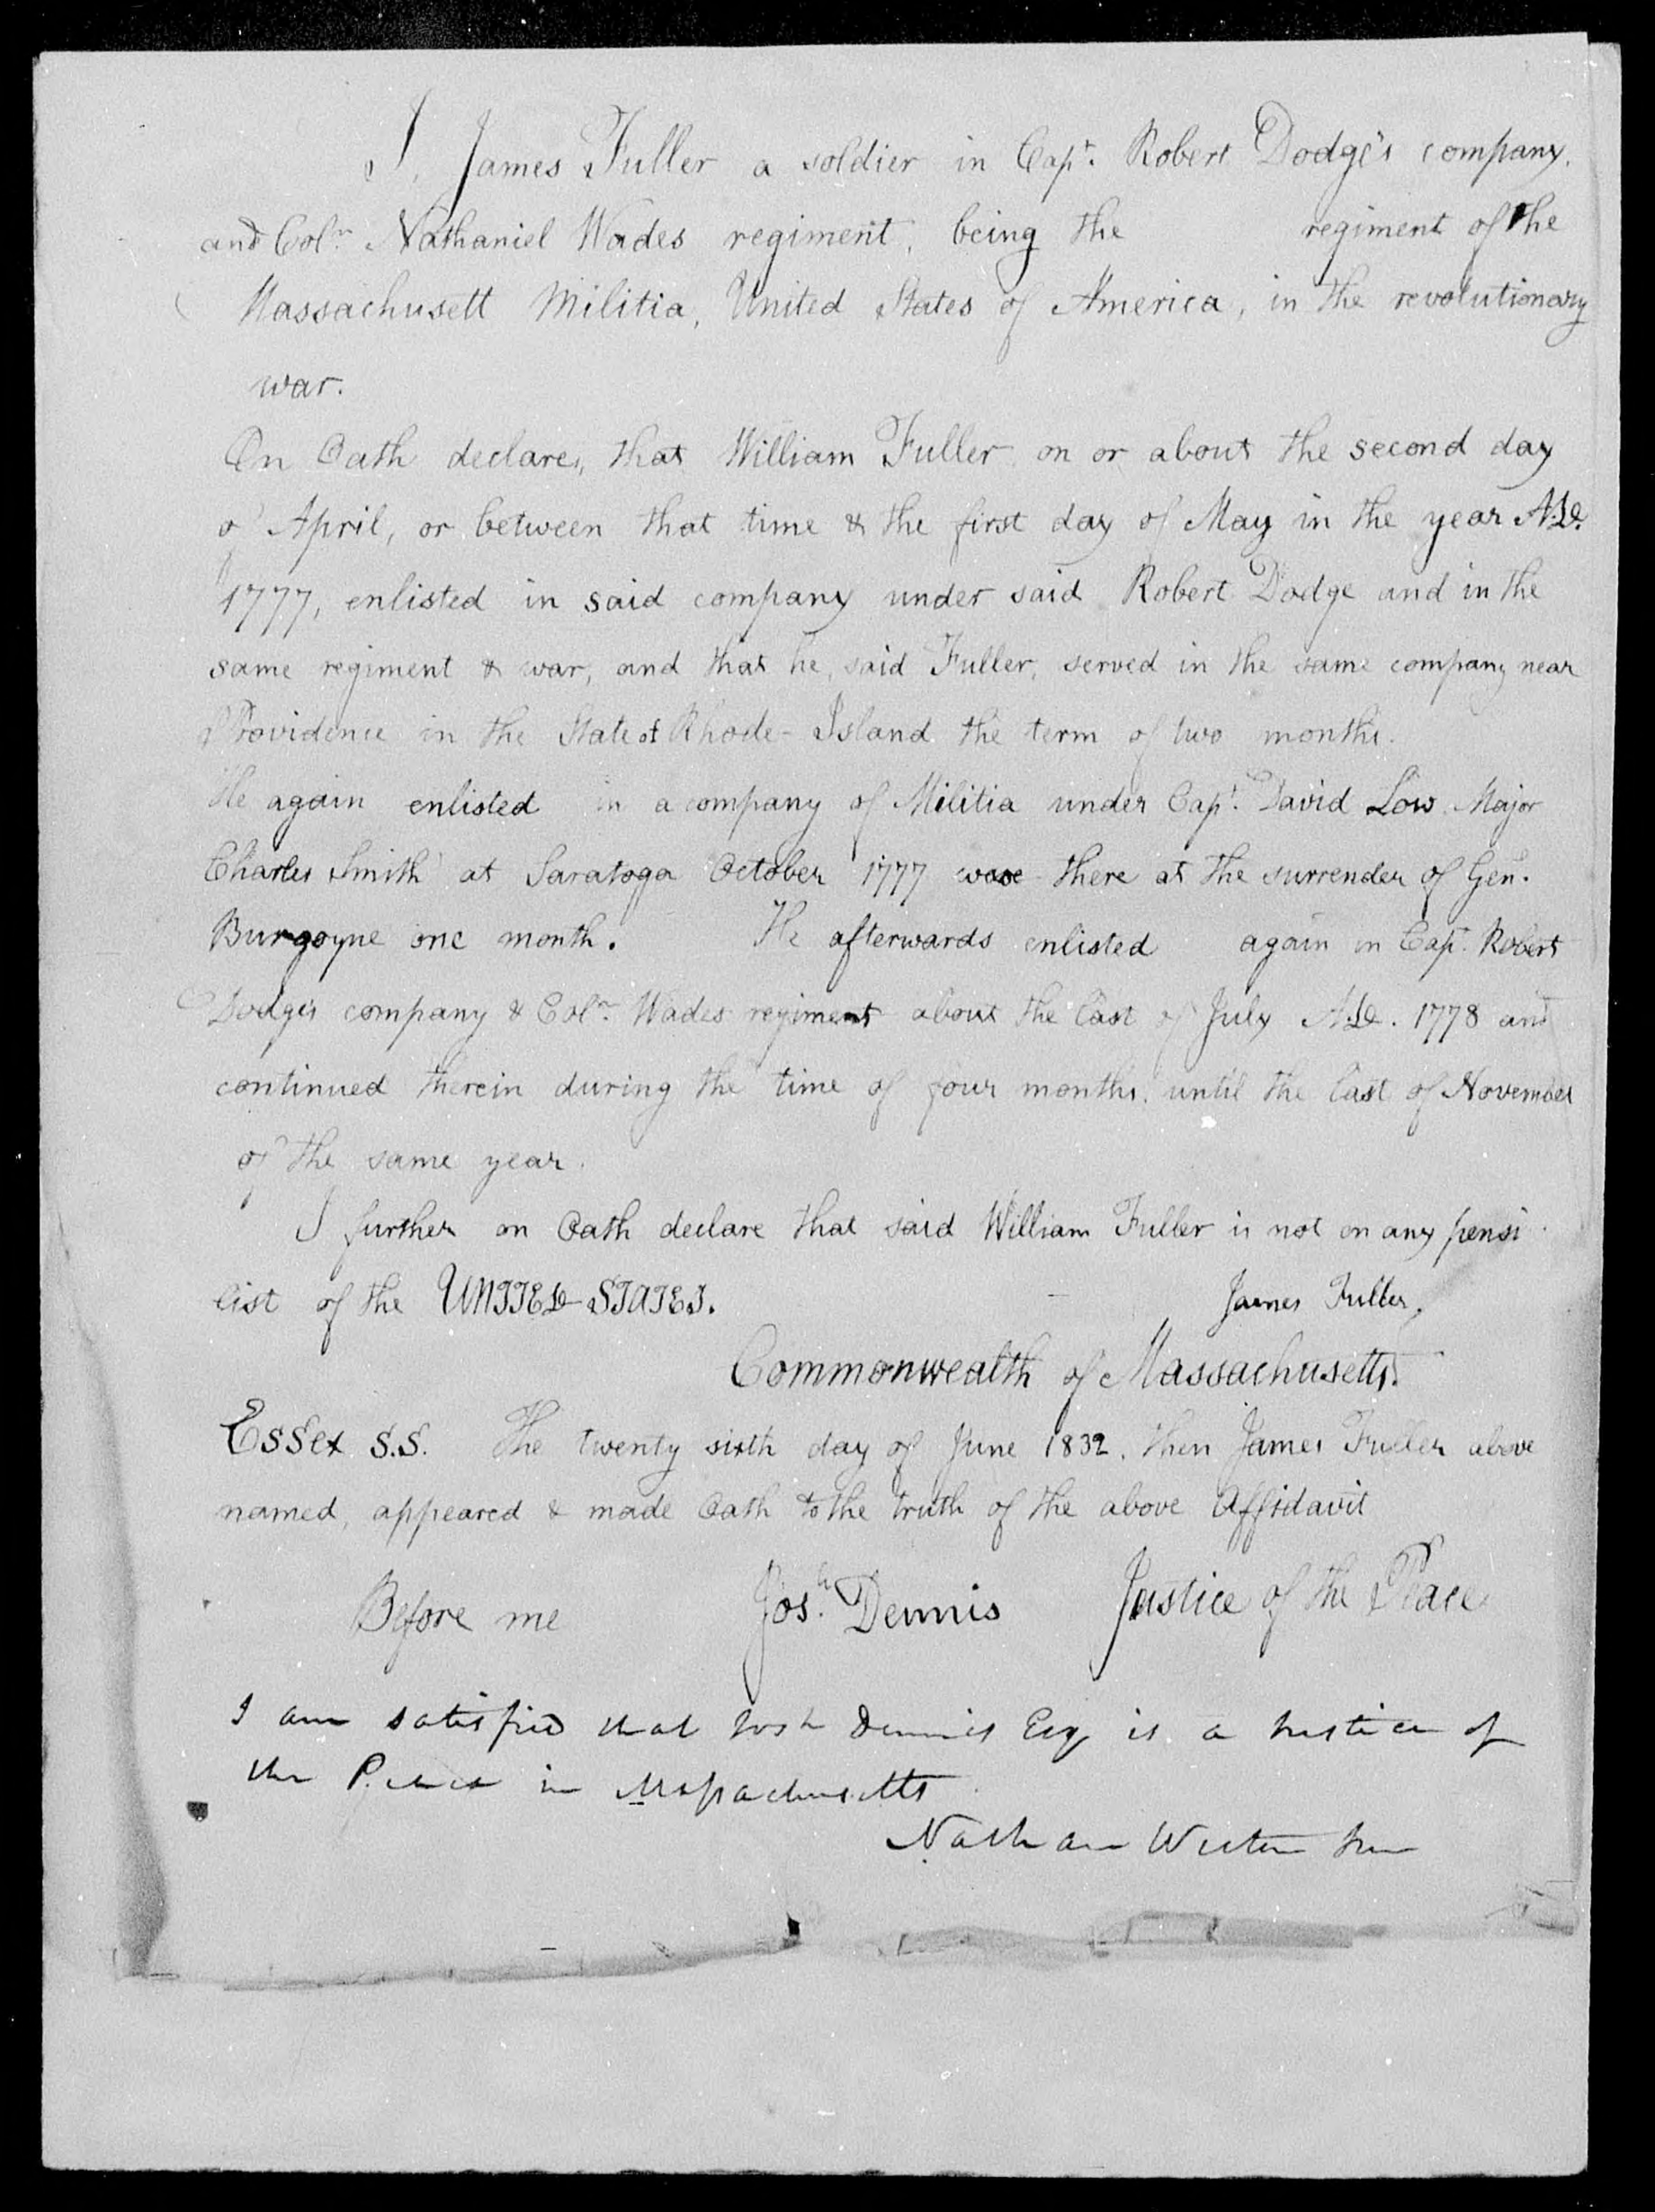I, James Fuller a soldier in Capt. Robert Dodge’s company and Col. Nathaniel Wades regiment, being the regiment of the Massachusetts Militia, United States of America, in the revolutionary war.
On Oath declare, that William Fuller on or about the second day of April, or between that time & the first day of May in the year A.D. 1777, enlisted in said company under said Robert Dodge and in the same regiment & war, and that he said Fuller served in the same company near Providence in the State of Rhode Island the term of two months.
He again listed in a company of Militia under Capt. David Low, Major Charles Smith at Saratoga October 1777 was there at the surrender of Gen. Burgoyne one month. He afterwards enlisted again in Capt. Robert Dodge's company & Col. Wades regiment about the last of July A.D. 1778 and continued therein during the time of four months until the last of November of the same year.
I further on oath declare that said William fuller is not in any pensi[on] list of the UNITED STATES.  James Fuller.
Commonwealth of Massachusetts.
Essex S.S.  The twenty sixth day of June 1832, then James Fuller above named, appeared & made Oath to the truth of the above Affidavit
Before me  Josh. Dennis  Justice of the Peace
I am satisfied that Josh. Dennis Esq is a Justice of the Peace in Massachusetts
Nathan Weston Jr.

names: Fuller, James Fuller, Nathan Weston, Robert Dodge, Josh Dennis, Charles Smith, James Fuller, Josh Dennis, William Fuller, William Fuller, James Fuller, Burgoyne, David Low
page: 34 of 45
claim: widow's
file: W. 17933, William Fuller, Mass